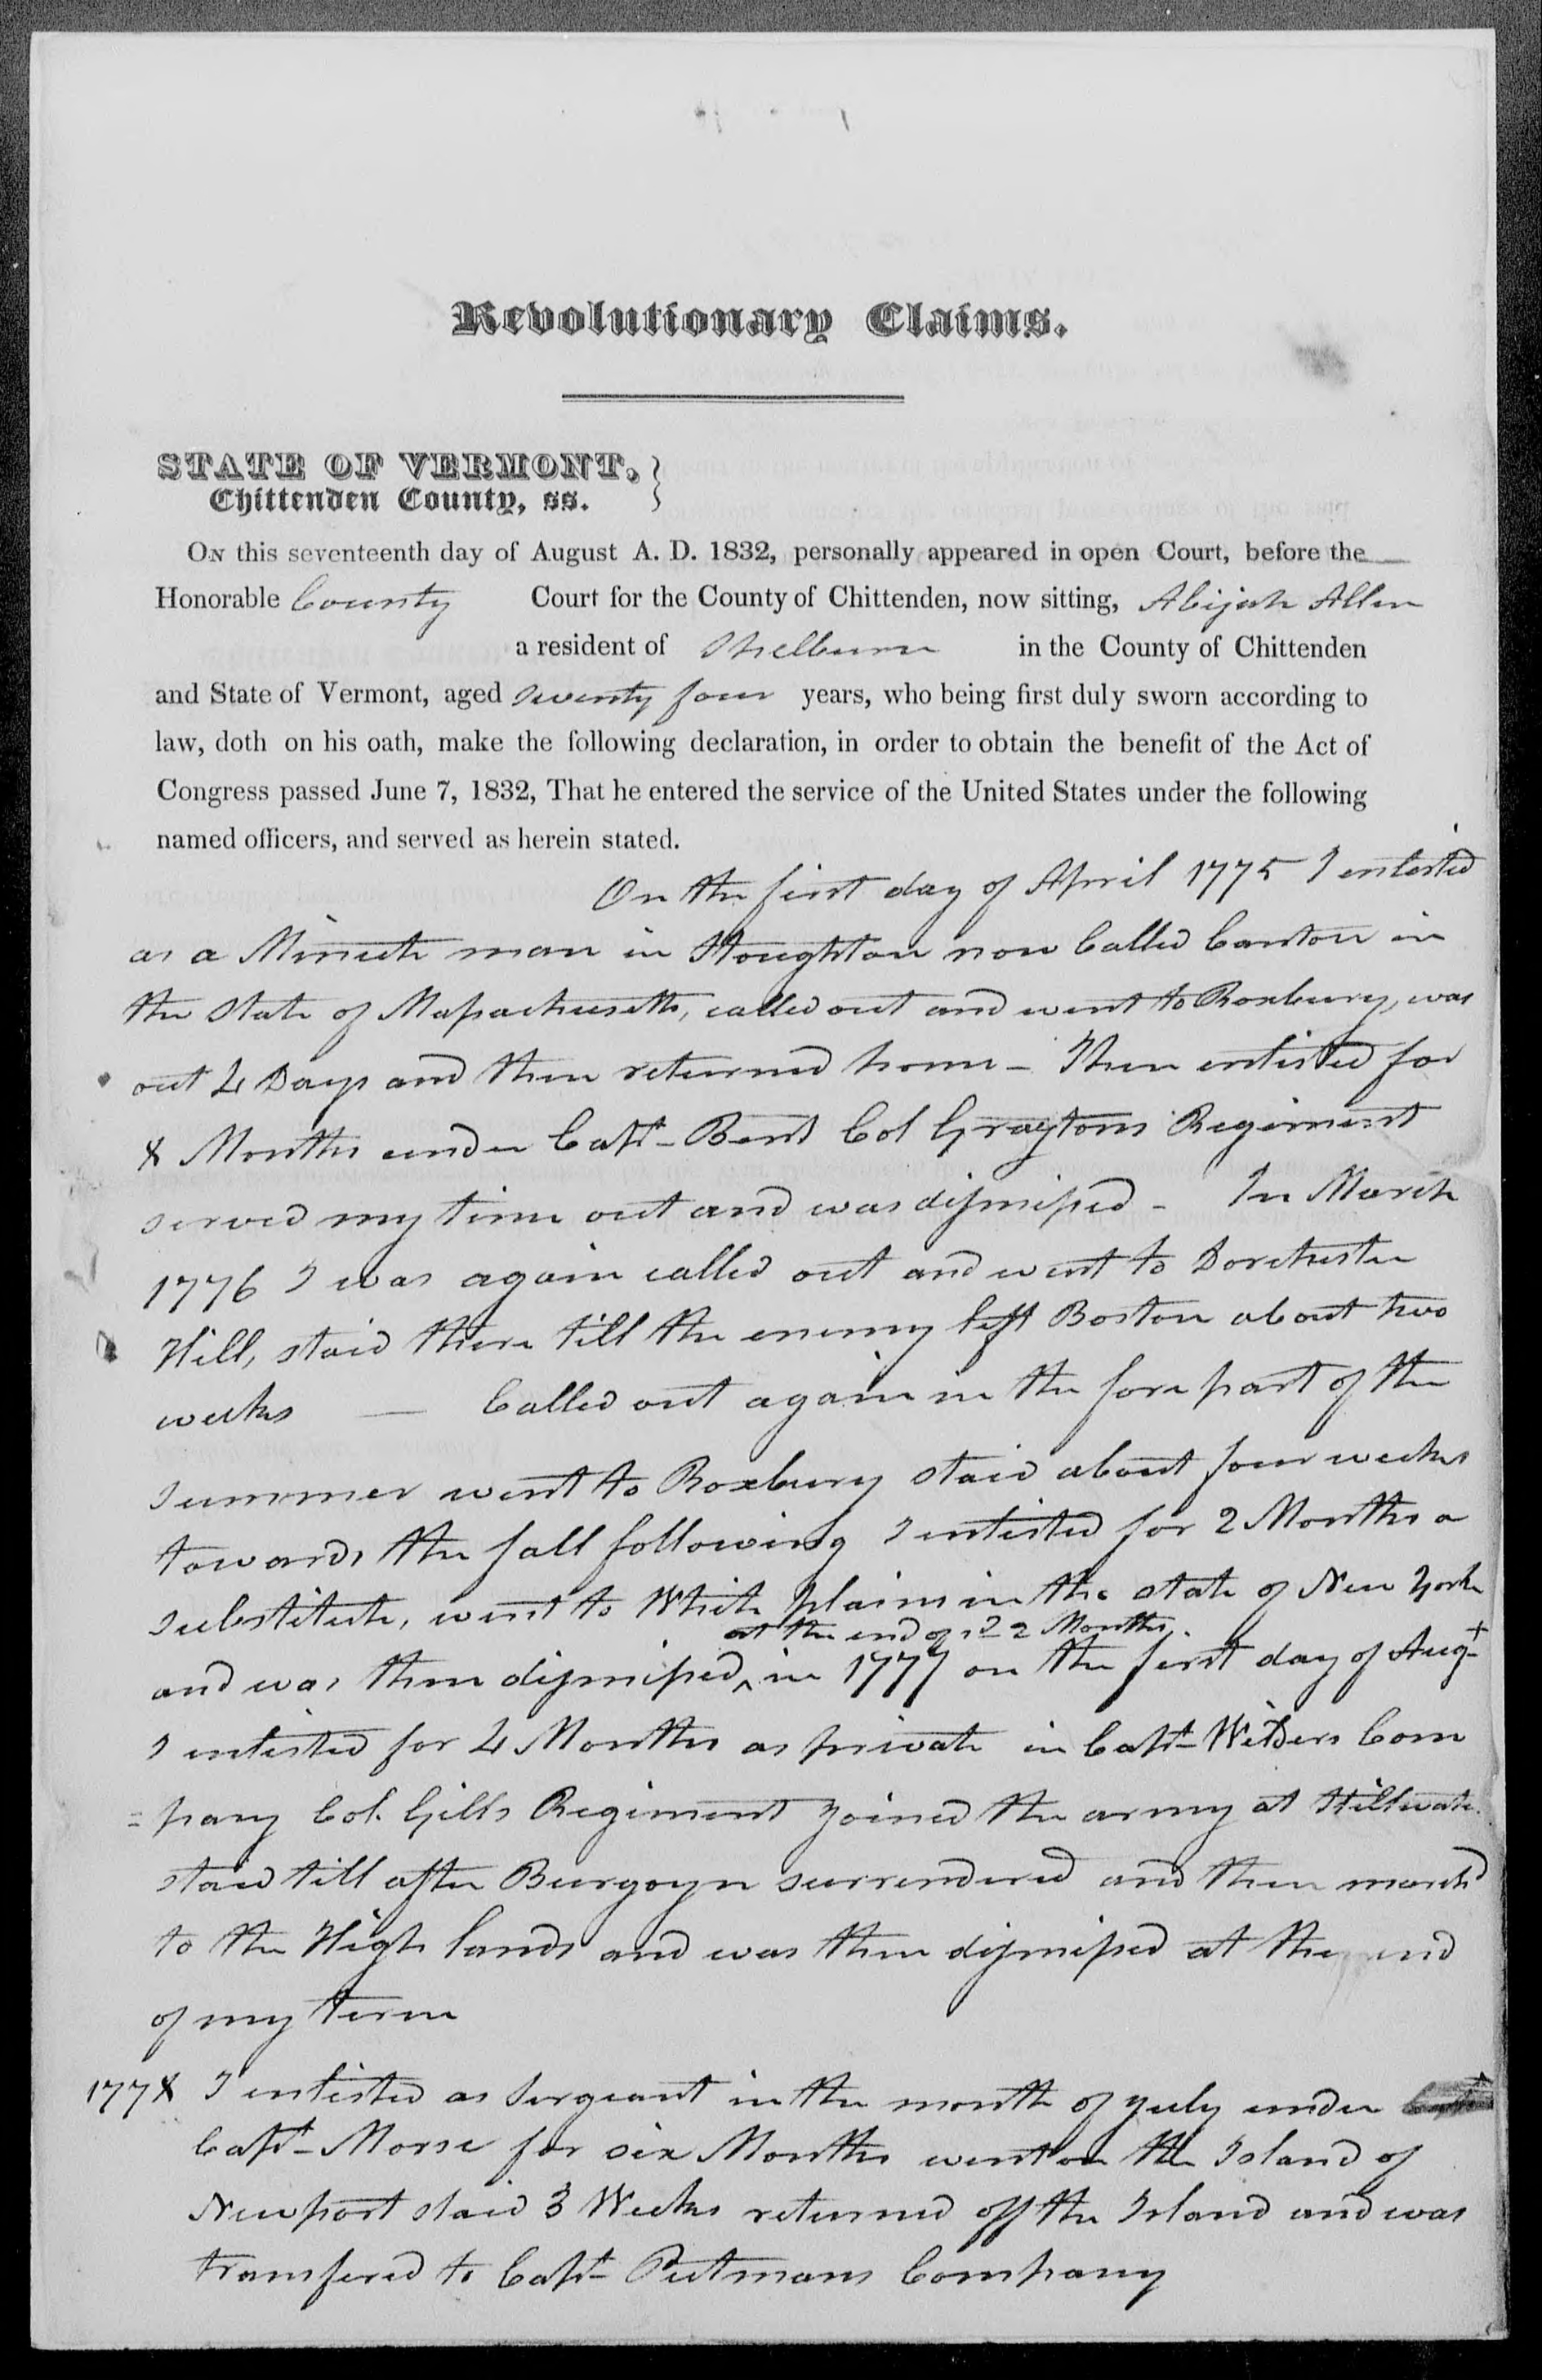Revolutionary Claims. 
STATE OF VERMONT,
Chittenden County, SS.
On this seventeenth day of August A.D. 1832, personally appeared in open Court, before the Honorable County Court for the County of Chittenden, now sitting, Abijah Allen a resident of Shelburn in the County of Chittenden and State of Vermont, aged seventy four years, who being first duly sworn according to law, doth on his oath, make the following declaration, in order to obtain the benefit of the Act of Congress passed June 7, 1832, That he entered the service of the United States under the following named officers, and served as herein stated. 
On the first day of April 1775 I enlisted as a Minuteman in Stoughton now called Canton in the State of Massachusetts, called out and went to Roxbury, was out 4 days and then returned home. Then enlisted for 8 Months and in Capt. Bent Col Graytons Regiment served my time out and was dismissed. In March 1776 I was again called out and went to Dorchester Hill, staid there till the enemy left Boston about two weeks. Called out again in the forepart of the summer went to Roxbury staid about four weeks toward, the fall following I enlisted for 2 Months a substitute, went to White Plains in the state of New York and was then dismissed at the end of 2 months in 1777 on the first day of August I enlisted for 4 months as private in Capt. Wilders Company Col. Gills Regiment joined the army at Stillwater staid till after Burgoyne surrendered and then marched to the Highlands and was then dismissed at the end of my term
1778 I enlisted as sergeant in the month of July under Capt. Morse for six Months went on the Island of Newport staid 3 weeks returned off the Island and was transferred to Capt. Putmans Company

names: Bent, Abijah Allen, Morse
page: 10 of 21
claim: survivor's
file: S. 15356, Abijah Allen, Mass.